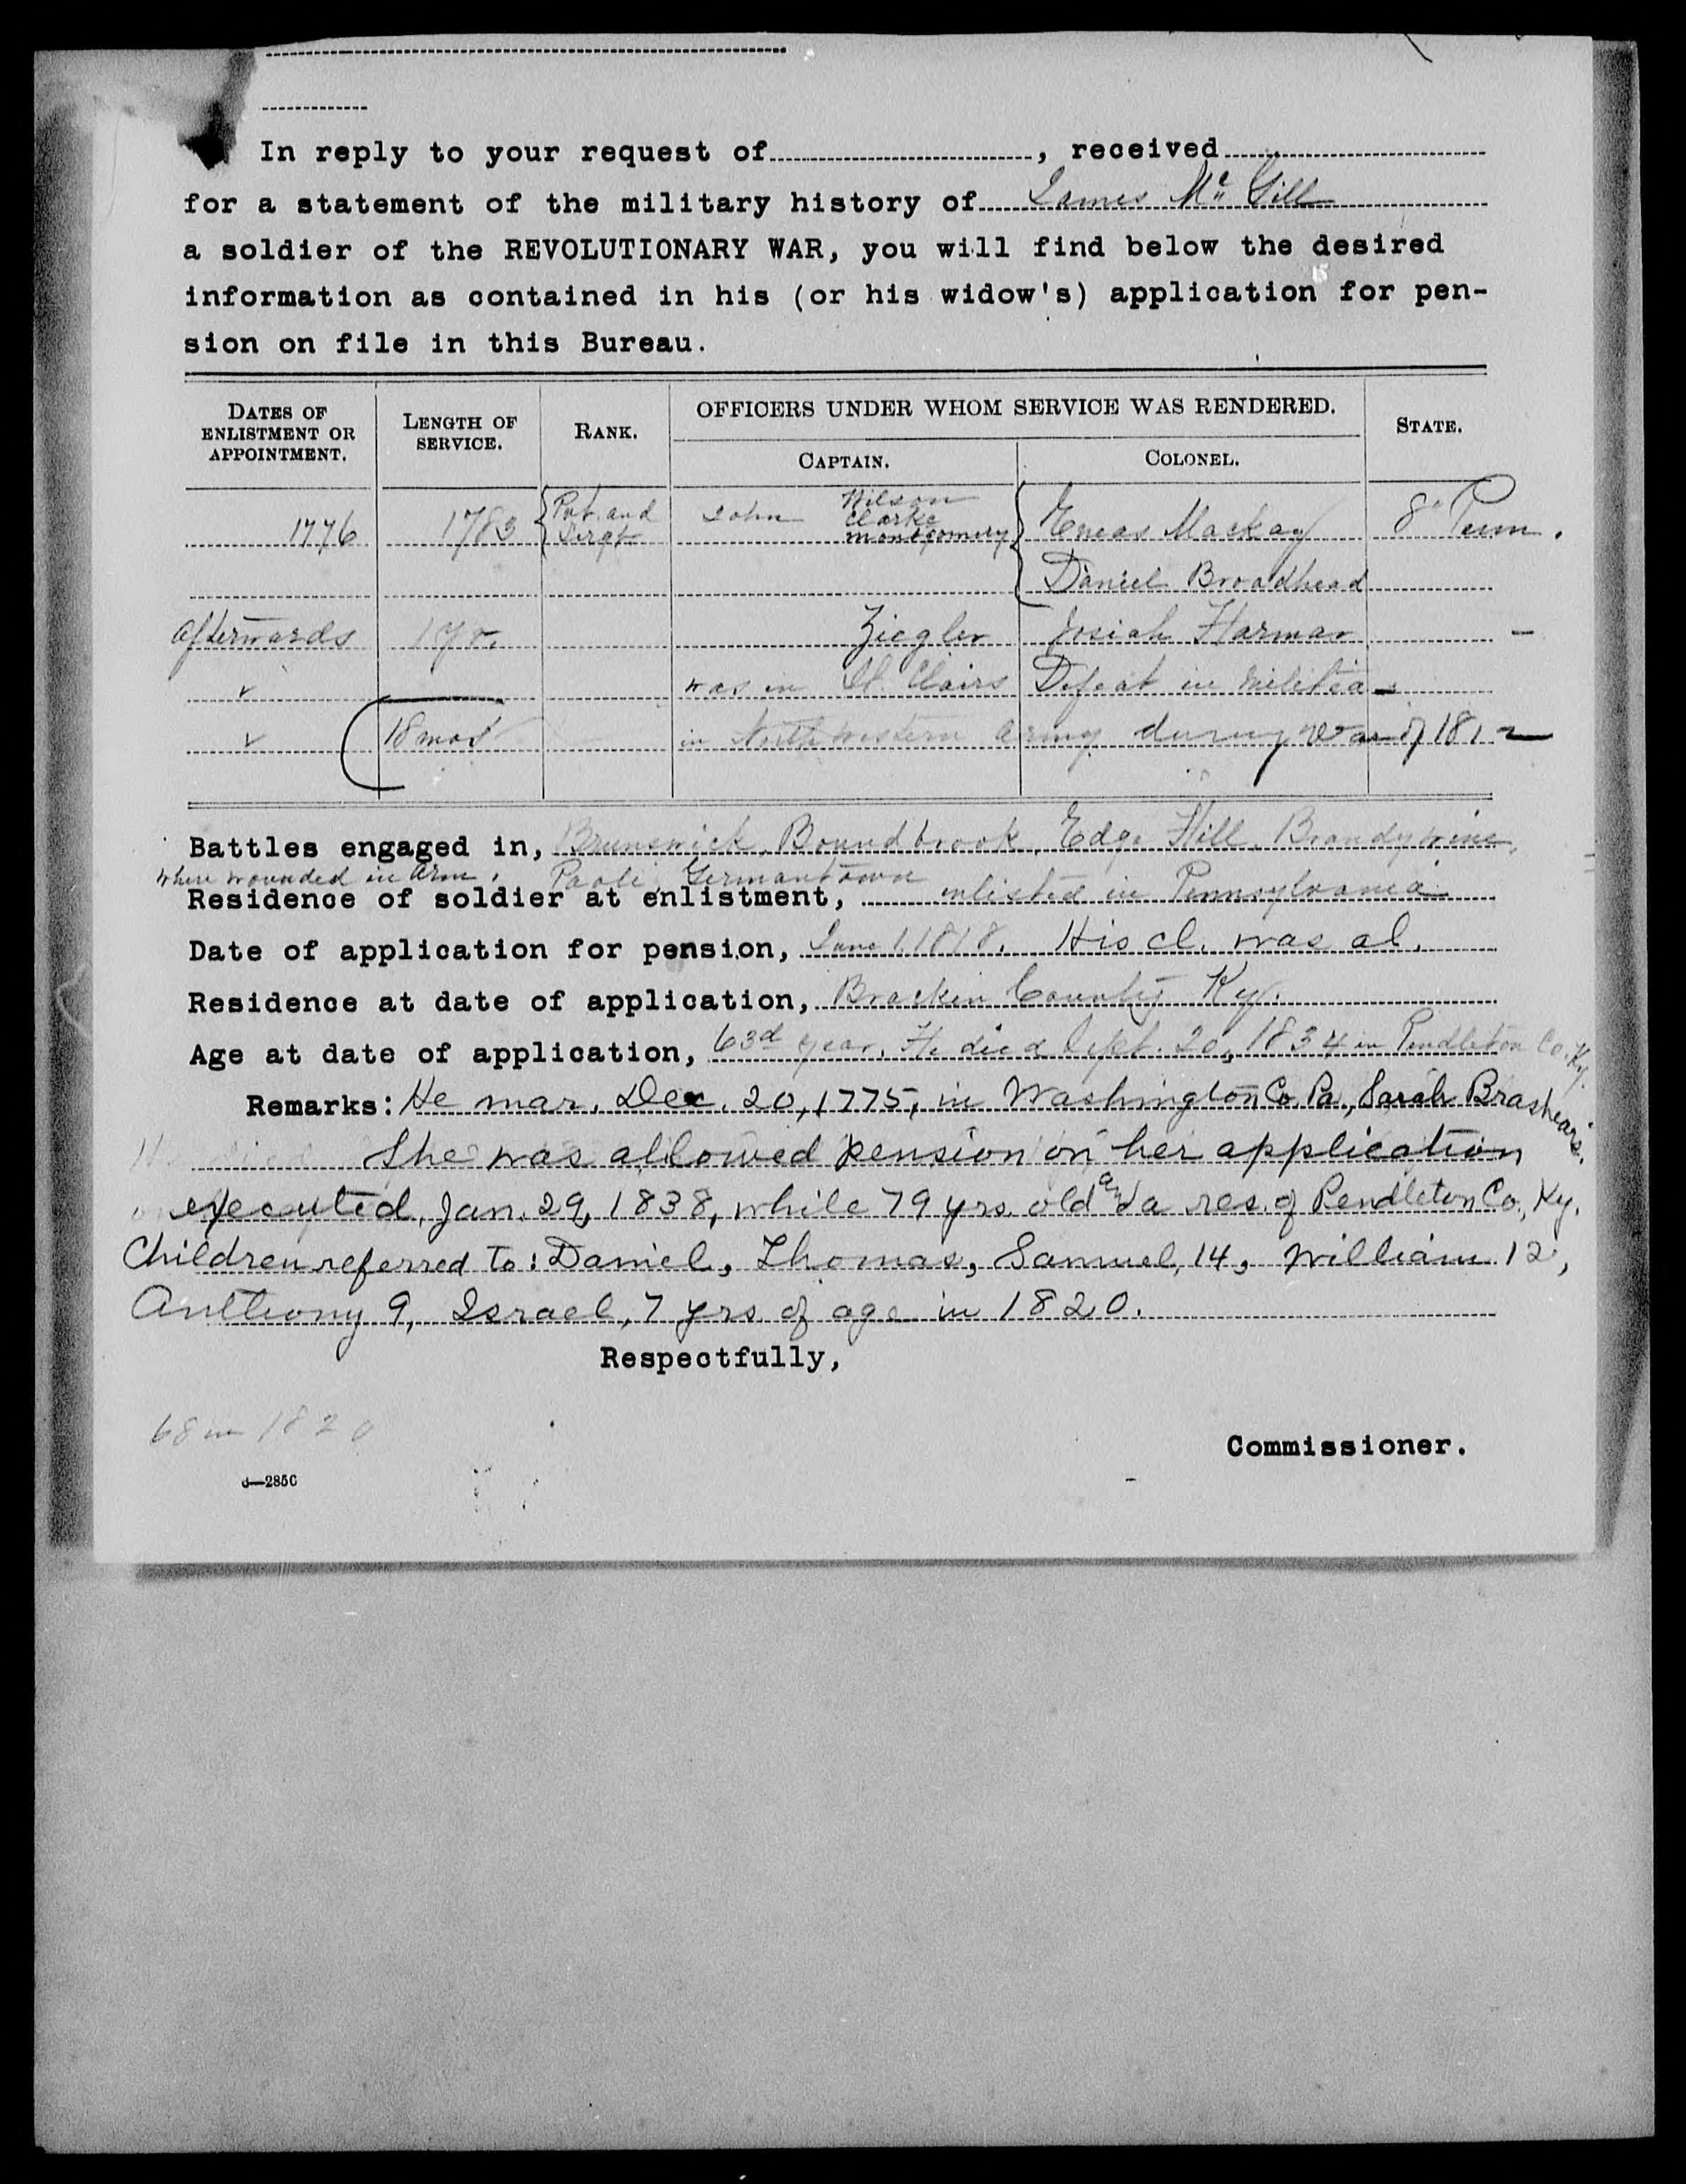Image 120		   4160873_00120              Fold3 File #23857286

[FORM]  
In reply to your request of  _________[blank line], received ____________[blank line], for a statement of the military history of James McGill a soldier of the REVOLUTIONARY WAR, you will find below the desired information as contained in his (or his widow's) application for pension on file in this Bureau.

Dates of Enlistment/Length of Service/Rank Officers Under Whom Service was Rendered (Captain &Colonel/State

1st enlisted in 1776/remained until 1783/Served as Pvt/Sergt/Served under Capts Wilson, John Clarke, and Montgomery
Colonels Eneas Mackay & Daniel Brodhead/8th Penn.[Regt]
Afterwards/1 year/Served under Capt Ziegler & Col Josiah Harmar
Afterwards/was in St. Clair’s defeat in militia
Afterwards/18 Mos/was in Northwestern army during War of 1812

Battles engaged in Brunswick, BoundBrook [Bound Brook], Edge Hill, Brandywine where wounded in arm, Paoli, Germantown

Residence of soldier at enlistment Enlisted in Pennsylvania

Date of application for pension  June 1, 1818.  His cl was al.

Residence at date of application  Bracken County KY

Age at date of application   63d year. He died Sep 20 1834 in Pendleton Kentucky
Remarks: He mar Dec. 20 1775, in Washington Co Pa., Sarah Brashears. She was allowed pension on her application executed Jan. 29, 1838, while 79 yrs. and a res. of Pendleton Co. Ky. Children referred to:  Daniel, Thomas, Samuel, 14, William 12, Anthony 9, Israel, 7 yrs of age in 1820.
					Respectfully,
68 in 1820			Commissioner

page: 62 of 71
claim: widow's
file: W. 8428, for James Mc Gill, Pennsylvania